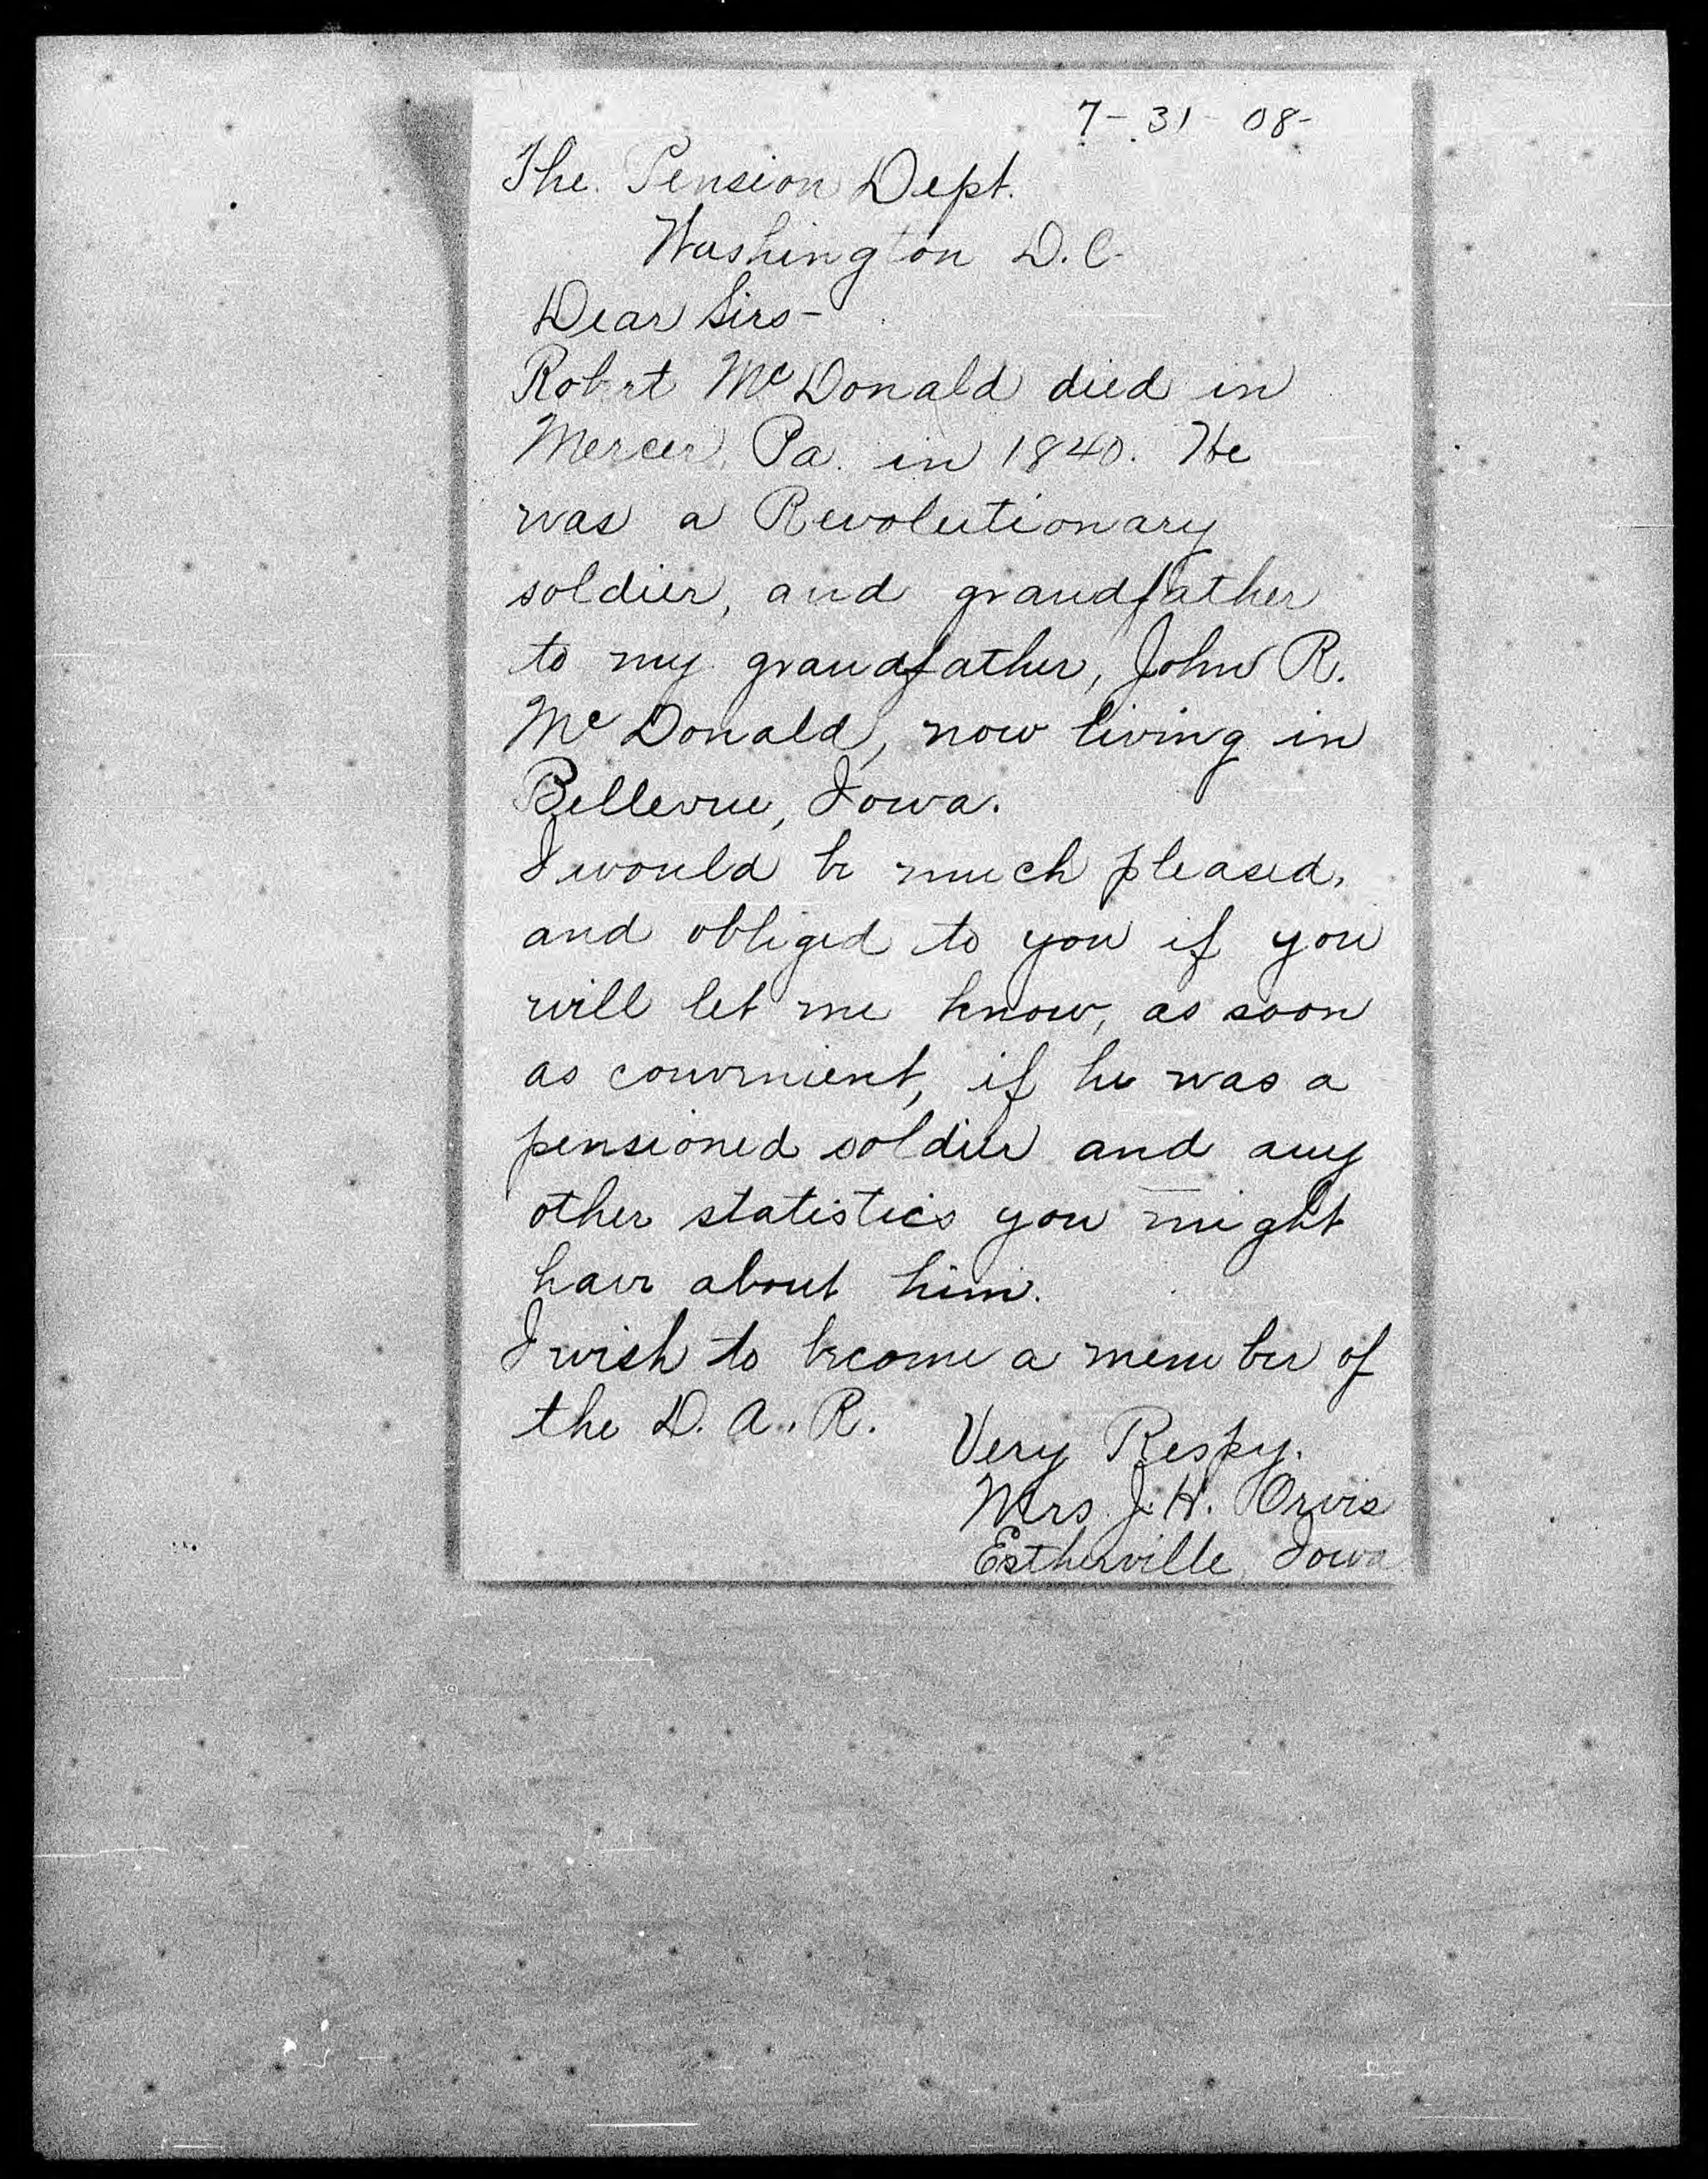7-31-08
The Pension Dept
Washington D.C.
Dear Sirs
Robert McDonald died in Mercer Pa in 1840. he was a Revolutionary soldier and grandfather to my grandfather, John R. McDonald now living in Belevue, Iowa
I would be much pleased and obliged to you if you will let me know as soon as convenient if he was a pensioned soldier and any other statistics you might have about him. I wish to become a member of D.A.R. Very Respectfully,
Mrs J.H. Orvis
Esterville, Iowa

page: 53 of 59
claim: widow's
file: W 3703, for Robert Mc Donald, Pennsylvania